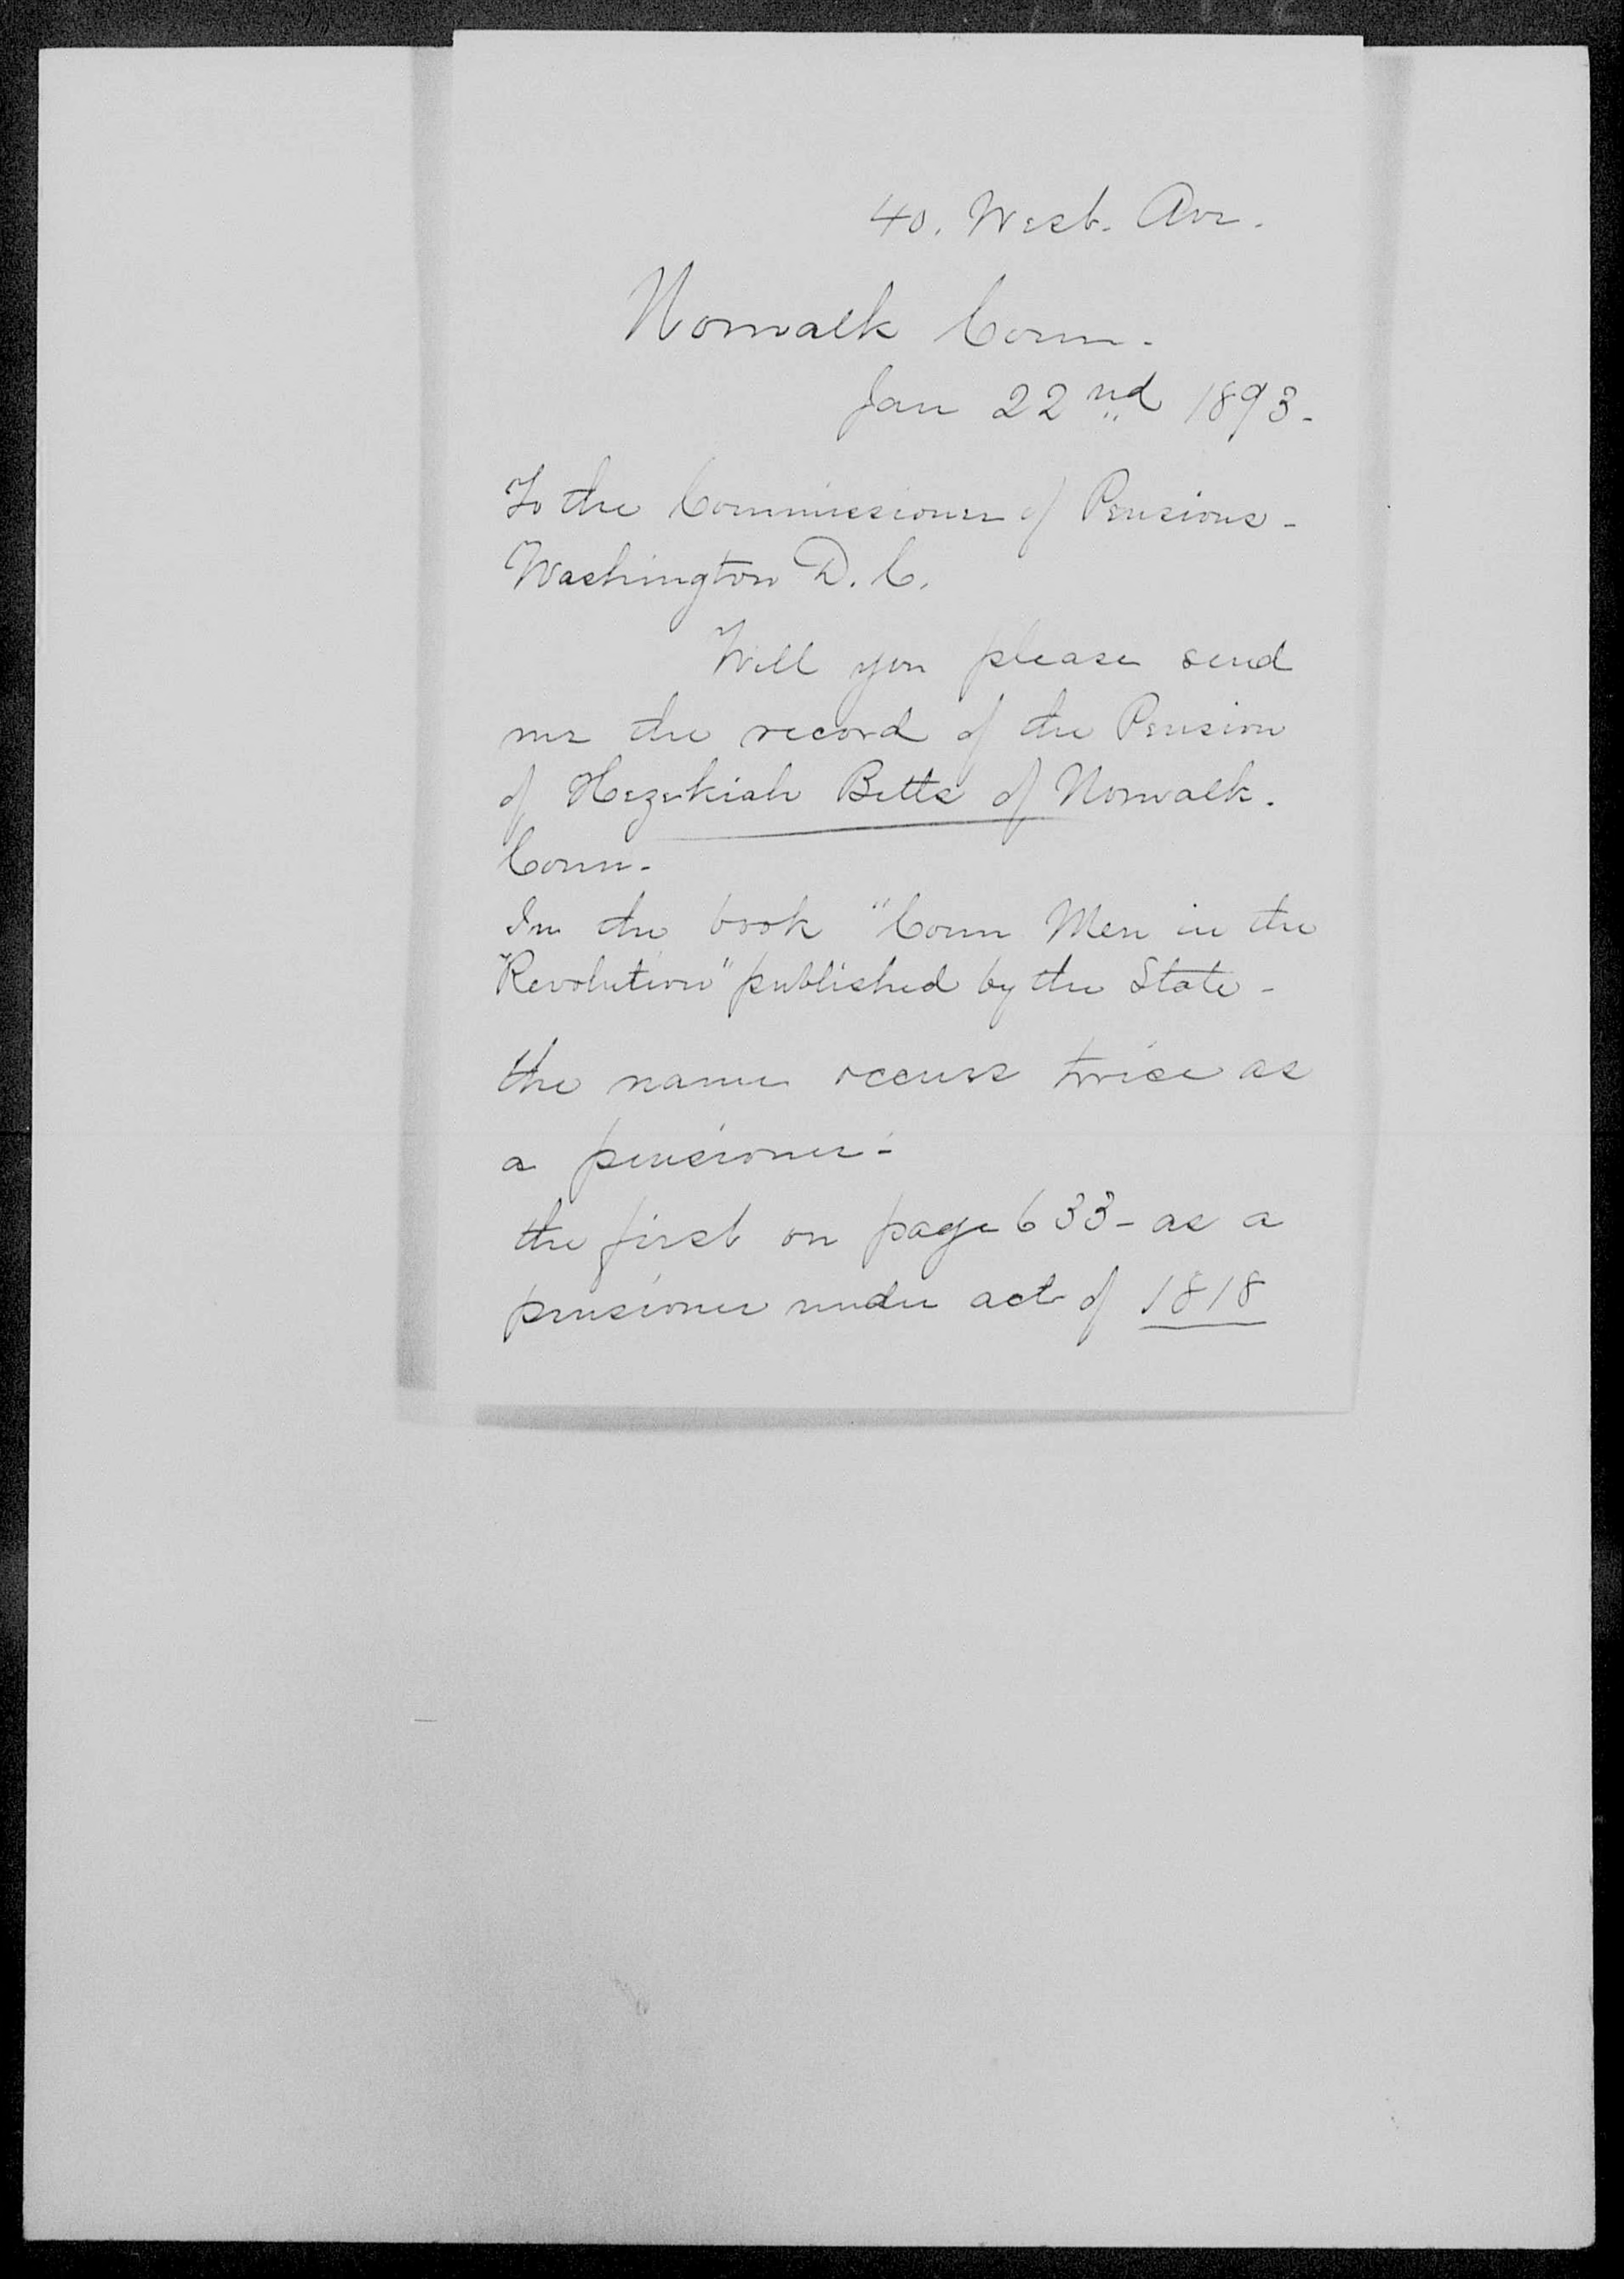40 West Ave.
Norwalk, Conn.
Jan 22nd 1893
To the Commissioner of Pensions
Washington D. C.
Will you please send me the record of the Pension of Hezekiah Betts of Norwalk, Conn.
In the book "Conn Men in the Revolution" published by the State- the names occurs twice as a pensioner
the first on page 633- as a pensioner under act of 1818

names: Hezekiah Betts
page: 60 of 61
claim: widow's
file: W. 29,929, Hezekiah Betts, Conn.